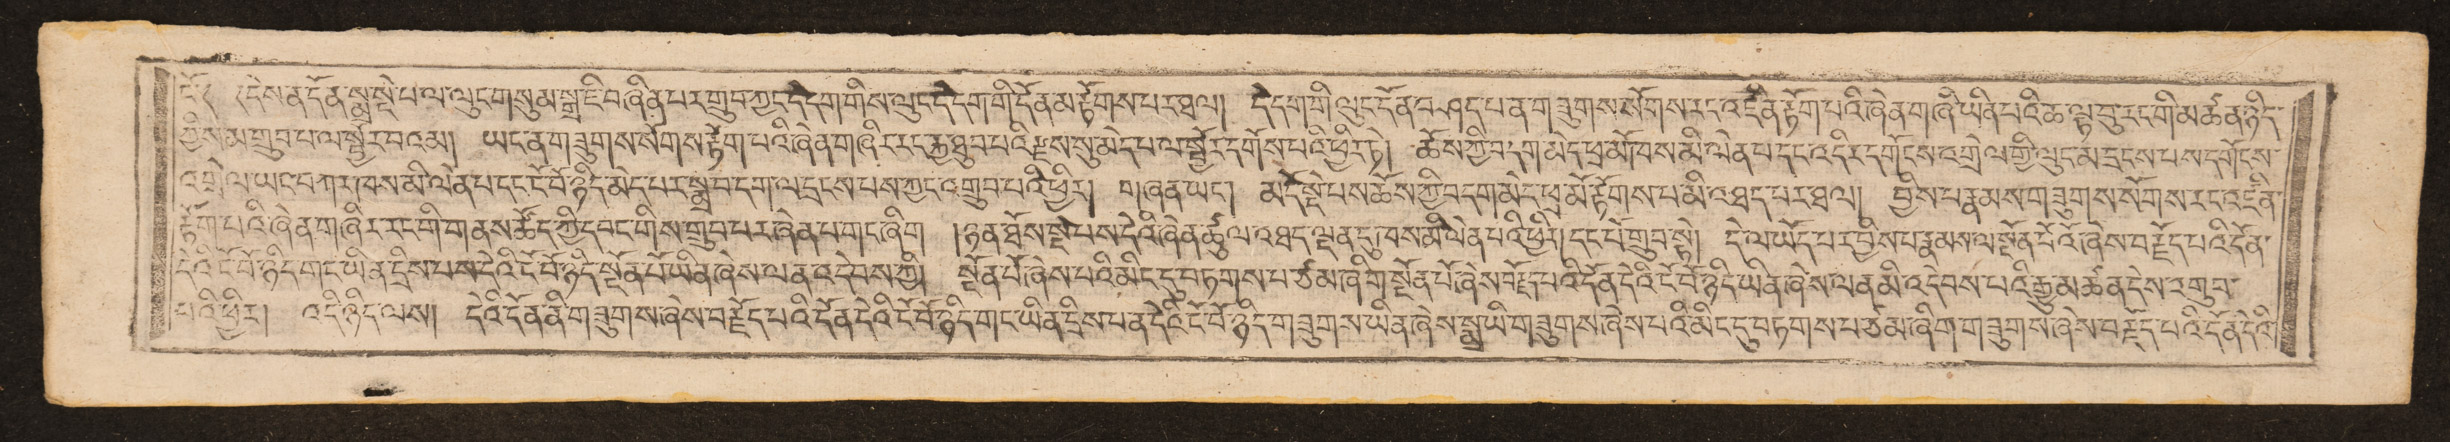ངོ༑ ༑དེས་ན་དོན་སྨྲ་སྡེ་བ་ལ་ལུང་གསུམ་སྒྲ་ཇི་བཞིན་བར་གྲུབ་ཀྱང་དེ་དག་གིས་ལུང་དེ་དག་གི་དོན་མ་རྟོགས་པར་ཐལ། དེ་དག་གི་ལུང་དོན་བཤད་པ་ན་གཟུགས་སོགས་རང་འཛིན་རྟོག་པའི་ཞན་གཞི་ཡིན་པའི་ཆ་ལྟ་བུ་རང་གི་མཚན་ཉིད་
ཀྱིས་མ་གྲུབ་པ་ལ་སྦྱོར་བའམ། ཡང་ན་གཟུགས་སོགས་རྟོག་པའི་ཞེན་གཞིར་རང་རྐྱ་ཐུབ་པའི་རྫས་སུ་མེད་པ་ལ་སྦྱོར་དགོས་པའི་ཕྱིར་ཏེ། ཆོས་ཀྱི་བདག་མེད་ཕྲ་མོ་ཁས་མི་ལེན་པ་དང་འདིར་དགོངས་འགྲེལ་གྱི་ལུང་མ་དྲངས་པས་དགོངས་
འགྲེལ་ཡང་བཀར་ཁས་མི་ལེན་པ་དང་ངོ་བོ་ཉིད་མེད་པར་སྨྲ་བ་དག་ལ་དྲངས་པས་ཀྱང་འགྲུབ་པའི་ཕྱིར། གཞན་ཡང་། མདོ་སྡེ་པས་ཆོས་ཀྱི་བདག་མེད་ཕྲ་མོ་རྟོགས་པ་མི་འཐད་པར་ཐལ། བྱིས་པ་རྣམས་གཟུགས་སོགས་རང་འཛིན་
རྟོག་པའི་ཞེན་གཞིར་རང་གི་གནས་ཚོད་ཀྱི་དབང་གིས་གྲུབ་པར་ཞེན་པ་གང་ཞིག །ཉན་ཐོས་སྡེ་པས་དེའི་ཞེན་ཚུལ་འཐད་ལྡན་དུ་ཁས་མི་ལེན་པའི་ཕྱིར། དང་པོ་གྲུབ་སྟེ། དེ་ལ་ཡོད་པར་བྱིས་པ་རྣམས་ལ་སྔོན་པོའོ་ཞེས་བརྗོད་པའི་དོན་
དེའི་ངོ་བོ་ཉིད་གང་ཡིན་དྲིས་པས་དེའི་ངོ་བོ་ཉིད་སྔོན་པོ་ཡིན་ཞེས་ལན་འདེབས་ཀྱི། སྔོན་པོ་ཞེས་པའི་མིང་དུ་བཏགས་པ་ཙམ་ཞིག་སྔོན་པོ་ཞེས་བརྗོད་པའི་དོན་དེའི་ངོ་བོ་ཉིད་ཡིན་ཞེས་ལན་མི་འདེབས་པའི་རྒྱུ་མཚན་དེས་འགྲུབ་
པའི་ཕྱིར། འདི་ཉིད་ལས། དེའི་དོན་ནི་གཟུགས་ཞེས་བརྗོད་པའི་དོན་དེའི་ངོ་བོ་ཉིད་གང་ཡིན་དྲིས་པ་ན་དེའི་ངོ་བོ་ཉིད་གཟུགས་ཡིན་ཞེས་སྨྲ་ཡི་གཟུགས་ཞེས་པའི་མིང་དུ་བཏགས་པ་ཙམ་ཞིག་གཟུགས་ཞེས་བརྗོད་པའི་དོན་དེའི་